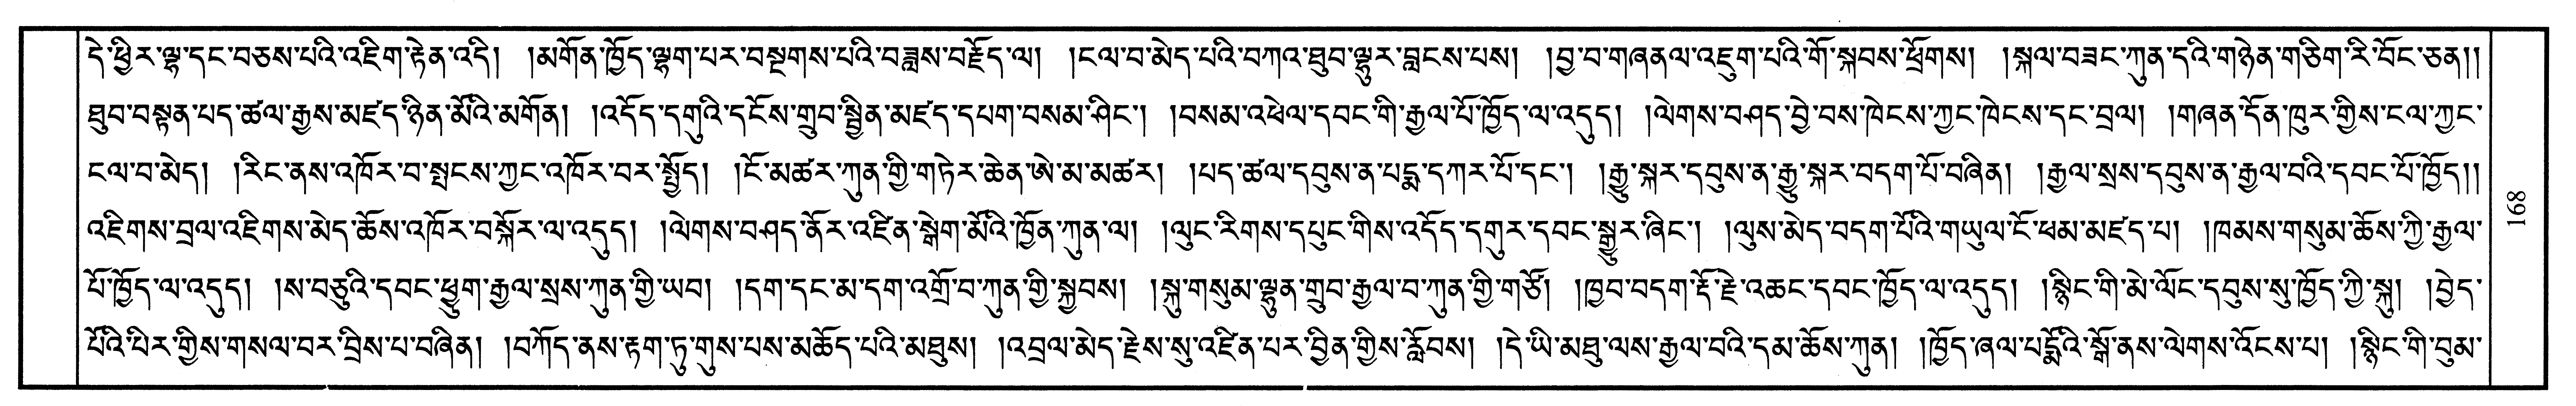དེ་ཕྱིར་ལྷ་དང་བཅས་པའི་འཇིག་རྟེན་འདི། །མགོན་ཁྱོད་ལྷག་པར་བསྔགས་པའི་བཟླས་བརྗོད་ལ། །ངལ་བ་མེད་པའི་བཀའ་ཐུབ་ལྷུར་བླངས་པས། །བྱ་བ་གཞན་ལ་འཇུག་པའི་གོ་སྐབས་ཕྲོགས། །སྐལ་བཟང་ཀུན་དའི་གཉེན་གཅིག་རི་བོང་ཅན། །
ཐུབ་བསྟན་པད་ཚལ་རྒྱས་མཛད་ཉིན་མོའི་མགོན། །འདོད་དགུའི་དངོས་གྲུབ་སྦྱིན་མཛད་དཔག་བསམ་ཤིང་། །བསམ་འཕེལ་དབང་གི་རྒྱལ་པོ་ཁྱོད་ལ་འདུད། །ལེགས་བཤད་བྱེ་བས་ཁེངས་ཀྱང་ཁེངས་དང་བྲལ། །གཞན་དོན་ཁུར་གྱིས་ངལ་ཀྱང་
ངལ་བ་མེད། །རིང་ནས་འཁོར་བ་སྤངས་ཀྱང་འཁོར་བར་སྤྱོད། །ངོ་མཚར་ཀུན་གྱི་གཏེར་ཆེན་ཨེ་མ་མཚར། །པད་ཚལ་དབུས་ན་པདམ་དཀར་པོ་དང་། །རྒྱུ་སྐར་དབུས་ན་རྒྱུ་སྐར་བདག་པོ་བཞིན། །རྒྱལ་སྲས་དབུས་ན་རྒྱལ་བའི་དབང་པོ་ཁྱོད། །
འཇིགས་བྲལ་འཇིགས་མེད་ཆོས་འཁོར་བསྐོར་ལ་འདུད། །ལེགས་བཤད་ནོར་འཛིན་སྒེག་མོའི་ཁྱོན་ཀུན་ལ། །ལུང་རིགས་དཔུང་གིས་འདོད་དགུར་དབང་སྒྱུར་ཞིང་། །ལུས་མེད་བདག་པོའི་གཡུལ་ངོ་ཕམ་མཛད་པ། །ཁམས་གསུམ་ཆོས་ཀྱི་རྒྱལ་
པོ་ཁྱོད་ལ་འདུད། །ས་བཅུའི་དབང་ཕྱུག་རྒྱལ་སྲས་ཀུན་གྱི་ཡབ། །དག་དང་མ་དག་འགྲོ་བ་ཀུན་གྱི་སྐྱབས། །སྐུ་གསུམ་ལྷུན་གྲུབ་རྒྱལ་བ་ཀུན་གྱི་གཙོ། །ཁྱབ་བདག་རྡོ་རྗེ་འཆང་དབང་ཁྱོད་ལ་འདུད། །སྙིང་གི་མེ་ལོང་དབུས་སུ་ཁྱོད་ཀྱི་སྐུ། །བྱེད་
པོའི་པིར་གྱིས་གསལ་བར་བྲིས་པ་བཞིན། །བཀོད་ནས་རྟག་ཏུ་གུས་པས་མཆོད་པའི་མཐུས། །འབྲལ་མེད་རྗེས་སུ་འཛིན་པར་བྱིན་གྱིས་རློབས། །དེ་ཡི་མཐུ་ལས་རྒྱལ་བའི་དམ་ཆོས་ཀུན། །ཁྱོད་ཞལ་པདམོའི་སྒོ་ནས་ལེགས་འོངས་པ། །སྙིང་གི་བུམ་